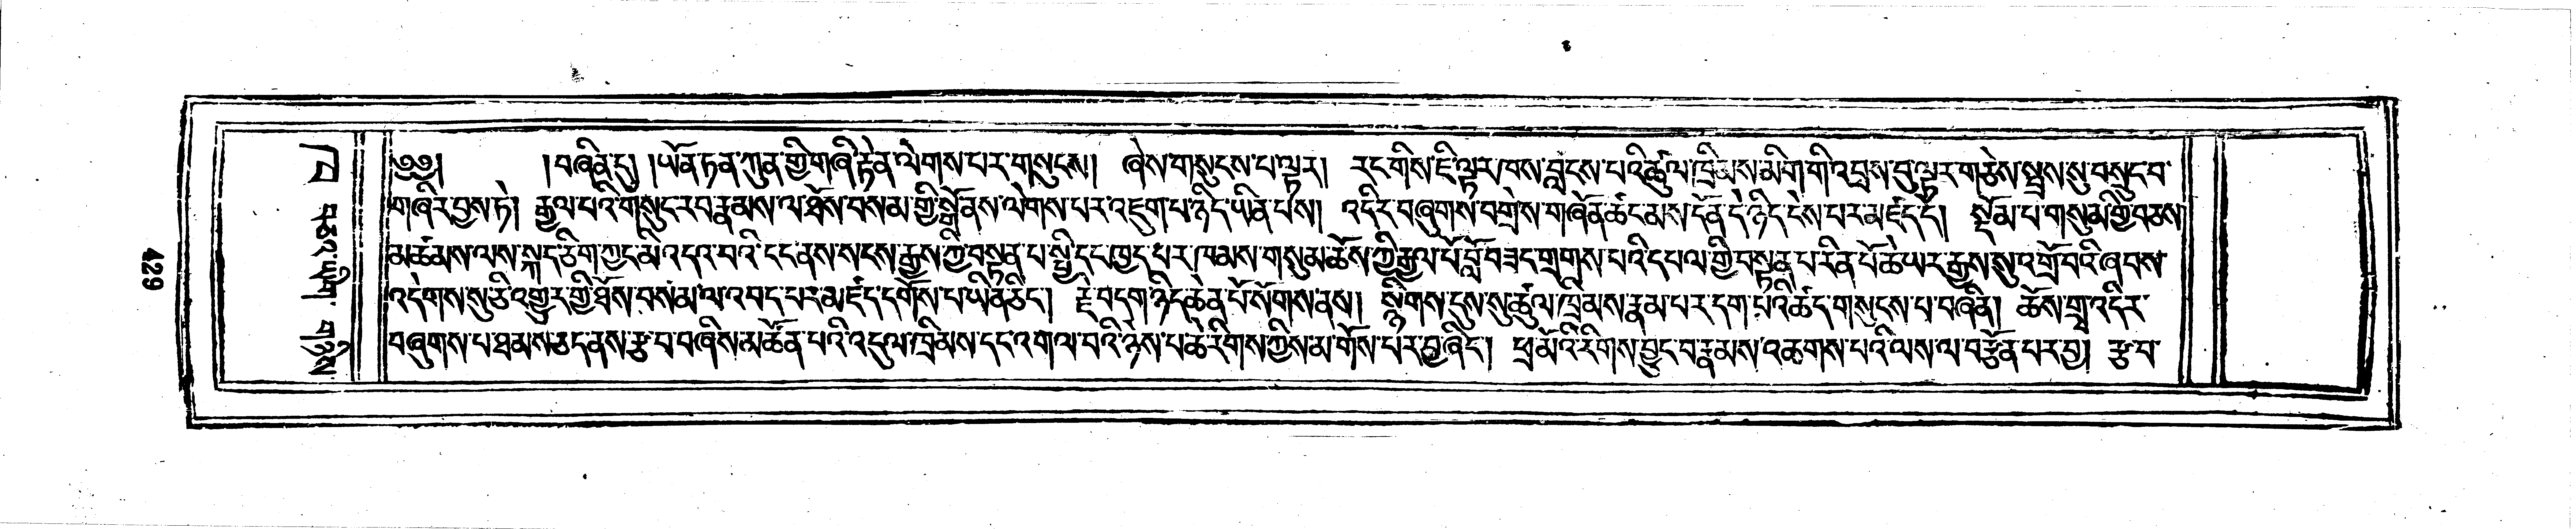༄༅། །བཞིན་དུ། །ཡོན་ཏན་ཀུན་གྱི་གཞི་རྟེན་ལེགས་པར་གསུངས། ཞེས་གསུངས་པ་ལྟར། རང་གིས་ཇི་ལྟར་ཁས་བླངས་པའི་ཚུལ་ཁྲིམས་མིག་གི་འབྲས་བུ་ལྟར་གཅེས་སྦྲས་སུ་བསྲུང་བ་
གཞིར་བྱས་ཏེ། རྒྱལ་པའི་གསུང་རབ་རྣམས་ལ་ཐོས་བསམ་གྱི་སྒོ་ནས་ལེགས་པར་འཇུག་པ་ཉིད་ཡིན་པས། འདིར་བཞུགས་བགྲེས་གཞོན་ཚང་མས་དོན་དེ་ཉིད་ངེས་པར་མཛད་དེ། སྡོམ་པ་གསུམ་གྱི་བཅས་
མཚམས་ལས་སྐད་ཅིག་ཀྱང་མི་འདའ་བའི་ངང་ནས་སངས་རྒྱས་ཀྱི་བསྟན་པ་སྤྱི་དང་ཁྱད་པར་ཁམས་གསུམ་ཆོས་ཀྱི་རྒྱལ་པོ་བློ་བཟང་གྲགས་པའི་དཔལ་གྱི་བསྟན་པ་རིན་པོ་ཆེ་ཡར་རྒྱས་སུ་འགྲོ་བའི་ཞབས་
འདེགས་སུ་ཅི་འགྱུར་གྱི་ཐོས་བསམ་ལ་འབད་པར་མཛད་དགོས་པ་ཡིན་ཅིང་། རྗེ་བདག་ཉིད་ཆེན་པོ་སོགས་ནས། སྙིགས་དུས་སུ་ཚུལ་ཁྲིམས་རྣམ་པར་དག་པའི་ཚད་གསུངས་པ་བཞིན། ཆོས་གྲྭ་འདིར་
བཞུགས་པ་ཐམས་ཅད་ནས་རྩ་བ་བཞིས་མཚོན་པའི་འདུལ་ཁྲིམས་དང་འགལ་བའི་ཉེས་པ་ཆེ་ཚིགས་ཀྱིས་མ་གོས་པར་བྱ་ཞིང་། ཕྲ་མོའི་རིགས་བྱུང་བ་རྣམས་འཆགས་པའི་ལས་ལ་བརྩོན་པར་བྱ། རྩ་བ་